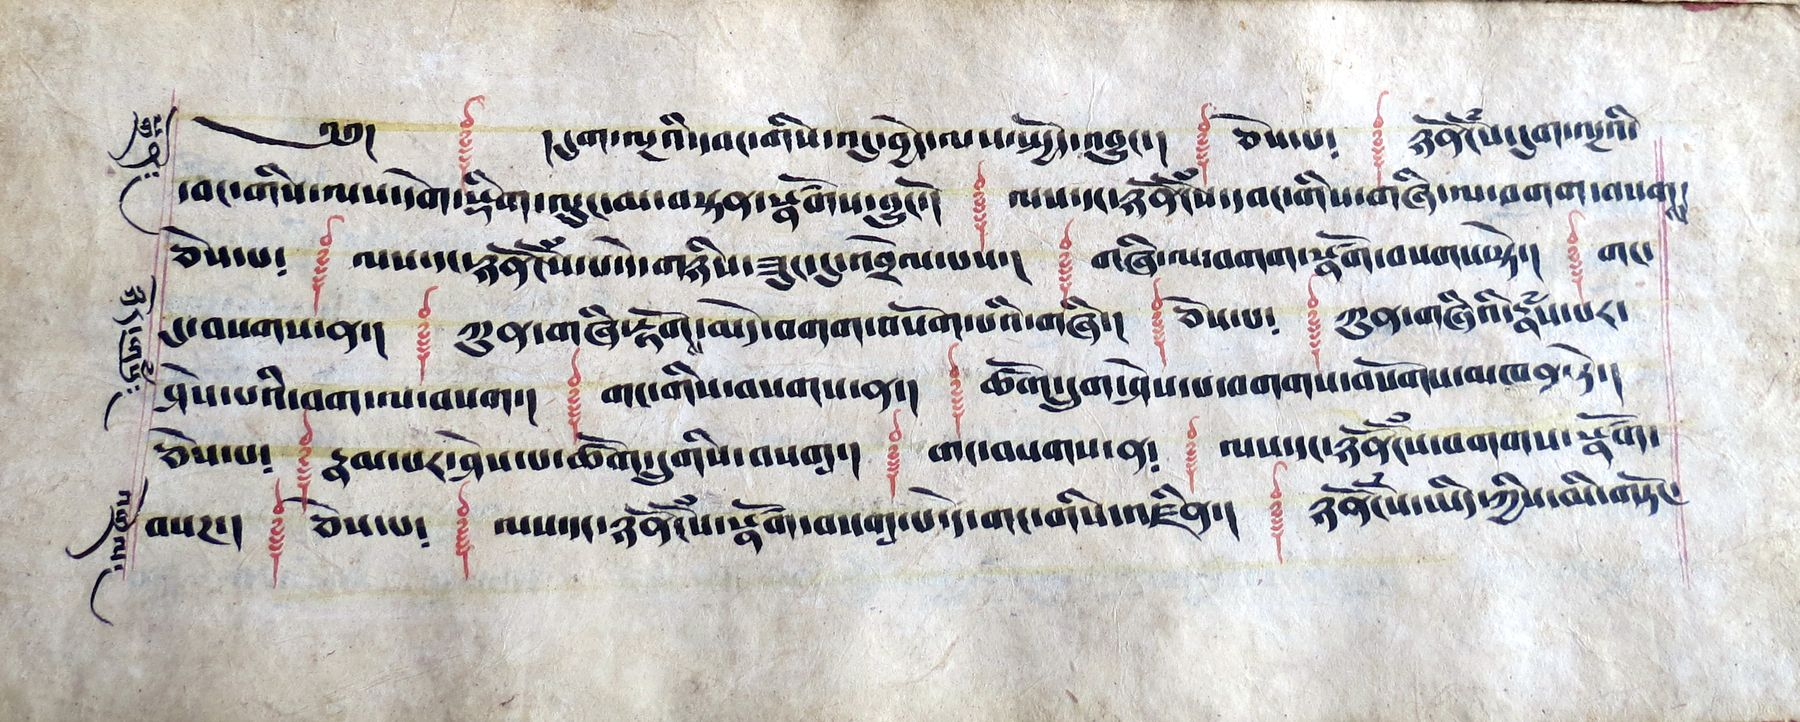དུག་ལྔའི་དབང་གིས་འདུ་བྱེད་ལས་སྤྱོད་བྱུང་། །ཞེས་པས་ཉོན་མོངས་དུག་ལྔའི་
དབང་གིས་ལས་དགེ་སྡིག་ལུང་མ་བསྟན་སྣ་ཚོགས་བྱུང་ངོ་། །ལས་དང་ཉོན་མོངས་དབང་གིས་གཞི་ལ་བག་ཆགས་
བསགས། །ཞེས་པས་ལས་དང་ཉོན་མོངས་པ་དེ་གཉིས་ཟུང་དུ་འབྲེལ་བས། གཞི་ལ་བག་ཆགས་སྣ་ཚོགས་བསགས་ཏེ། གང་
དུ་བསགས་ན། ཀུན་གཞི་རྟོག་མེད་བག་ཆགས་སོག་པའི་གཞི། །ཞེས་པས་ཀུན་གཞིའི་རྣམ་པར་
ཤེས་པའི་བག་ལ་བསགས། གང་གིས་བསགས་ན་ཚོགས་དྲུག་ཤེས་པ་བག་ཆགས་གསོག་མཁན་ཏེ། །
ཞེས་པས་རྣམ་པར་ཤེས་པ་ཚོགས་དྲུག་གིས་བསགས། གང་བསག་ན། ལས་དང་ཉོན་མོངས་བག་ཆགས་སྣ་ཚོགས་
བསགས། །ཞེས་པས་ལས་དང་ཉོན་མོངས་སྣ་ཚོགས་བསགས་པ་དེ་གང་གིས་འཛིན་ན། ཉོན་མོངས་ཡིད་ཀྱིས་མི་གཏོང་